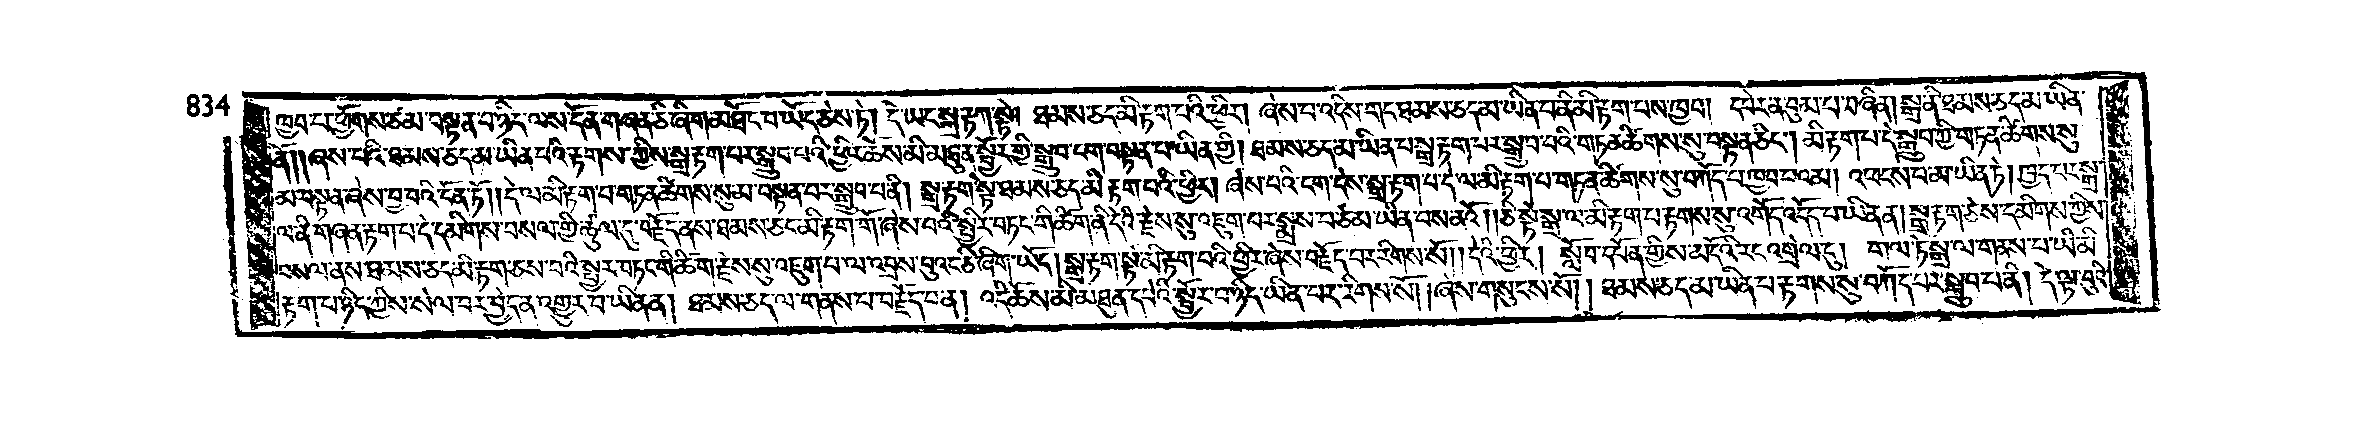ཁྱབ་པ་ཕྱོགས་ཙམ་བསྟན་པ་ཉིད་ལས་དོན་གཞན་ཅི་ཞིག་མཐོང་བ་ཡོད་ཅེས་ཏེ། དེ་ཡང་སྒྲ་རྟག་སྟེ། ཐམས་ཅད་མི་རྟག་པའི་ཕྱིར། ཞེས་པ་འདིས་གང་ཐམས་ཅད་མ་ཡིན་པ་ནི་མི་རྟག་པས་ཁྱབ། དཔེར་ན་བུམ་པ་བཞིན། སྒྲ་ནི་ཐམས་ཅད་མ་ཡིན་
ནོ། །ཞེས་པའི་ཐམས་ཅད་མ་ཡིན་པའི་རྟགས་ཀྱིས་སྒྲ་རྟག་པར་སྒྲུབ་པའི་ཕྱིར་ཆོས་མི་མཐུན་སྦྱོར་གྱི་སྒྲུབ་ངག་བསྟན་པ་ཡིན་གྱི། ཐམས་ཅད་མ་ཡིན་པ་སྒྲ་རྟག་པར་སྒྲུབ་པའི་གཏན་ཚིགས་སུ་བསྟན་ཅིང་། མི་རྟག་པ་དེ་སྒྲུབ་ཀྱི་གཏན་ཚིགས་སུ་
མ་བསྟན་ཞེས་བྱ་བའི་དོན་ཏོ། །དེ་ལ་མི་རྟག་པ་གཏན་ཚིགས་སུ་མ་བསྟན་པར་སྒྲུབ་པ་ནི། སྒྲ་རྟག་སྟེ་ཐམས་ཅད་མི་རྟག་པའི་ཕྱིར། ཞེས་པའི་ངག་དེས་སྒྲ་རྟག་པ་དེ་ལ་མི་རྟག་པ་གཏན་ཚིགས་སུ་བཀོད་པ་ཁྱབ་པའམ། འཕངས་པ་མ་ཡིན་ཏེ། ཁྱད་པར་སྒྲ་
ལ་ནི་གཞན་རྟག་པ་དེ་དམིགས་བསལ་གྱི་ཚུལ་དུ་བརྗོད་ནས་ཐམས་ཅད་མི་རྟག་གོ་ཞེས་པའི་སྤྱིར་བཏང་གི་ཚིག་ནི་དེའི་རྗེས་སུ་འཇུག་པར་སྨྲས་པ་ཙམ་ཡིན་པས་ནའོ། །ཅི་སྟེ་སྒྲ་ལ་མི་རྟག་པ་རྟགས་སུ་འགོད་འདོད་པ་ཡིན་ན། སྒྲ་རྟག་ཅེས་དམིགས་ཀྱིས་
བསལ་ནས་ཐམས་ཅད་མི་རྟག་ཅེས་པའི་སྤྱིར་བཏང་གི་ཚིག་རྗེས་སུ་འཇུག་པ་ལ་འབྲས་བུའང་ཅི་ཞིག་ཡོད། སྒྲ་རྟག་སྟེ་མི་རྟག་པའི་ཕྱིར་ཞེས་བརྗོད་པར་རིགས་སོ། །དེའི་ཕྱིར། སློབ་དཔོན་གྱིས་མདོའི་རང་འགྲེལ་དུ། གལ་ཏེ་སྒྲ་ལ་གནས་པ་ཡི་མི་
རྟག་པ་ཉིད་ཀྱིས་སེལ་བར་བྱེད་ན་འགྱུར་བ་ཡིན་ན། ཐམས་ཅད་ལ་གནས་པ་བརྗོད་པ་ན། འདི་ཆོས་མི་མཐུན་དཔེའི་སྦྱོར་བ་ཉིད་ཡིན་པར་རིགས་སོ། །ཞེས་གསུངས་སོ། །ཐམས་ཅད་མ་ཡིན་པ་རྟགས་སུ་བཀོད་པར་སྒྲུབ་པ་ནི། དེ་ལྟ་བུའི་